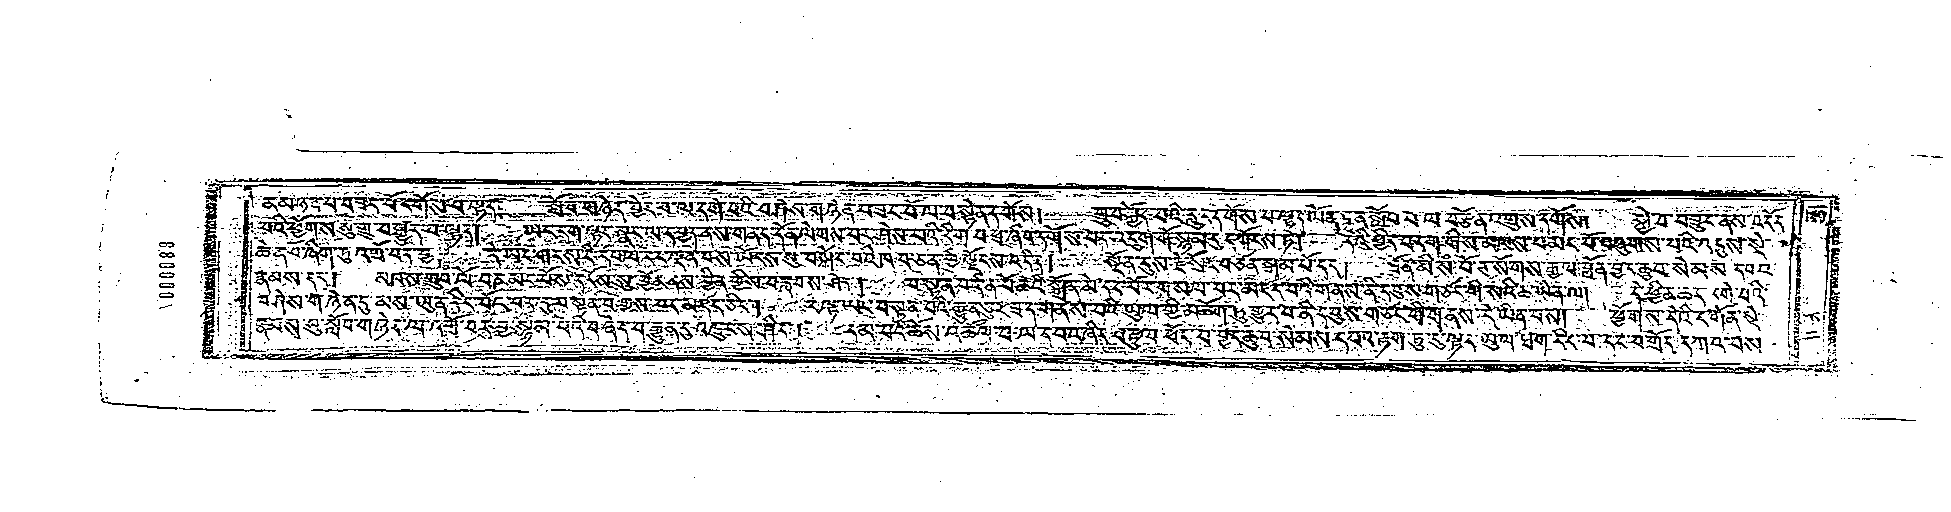ནམ་ཉན་པ་བཟང་པོ་དགོས་པ་ལྟར། སློབ་གཉེར་བྱེད་བ་ལ་དགེ་བའི་བཤེས་གཉེན་བཟང་བོ་ལ་བསྟེན་དགོས། གྲུ་བསྐྱོད་བའི་རླུང་དགོས་པ་ལྟར་ཡོན་ཏན་སློབ་པ་ལ་བརྩོན་འགྲུས་དགོས། སྐྱེ་བ་བཟུང་ནས་འདོད་
བའི་ཕྱོགས་སུ་གྲུ་བསྒྱུར་བ་ལྟར། ཡང་དག་ལྟར་སྣང་ལ་དཔྱད་ནས་གནད་དོན་ལེགས་པར་ཤེས་པའི་རིག་བ་ཕྲ་ཞིབ་དགོས་པར་འདུག་གོ་སྙམ་དུ་དགོངས་ཏེ། དེའི་ཕྱིར་བདག་གིས་མཁས་པ་མང་བོ་བཞུགས་པའི་འདུས་སྡེ་
ཆེན་པོ་ཞིག་ཏུ་འགྲོ་བར་བྱ། དེ་ཡང་གངས་རི་དཔལ་དང་ལྡན་བས་ཡོངས་སུ་བསྐོང་བའི་ཁ་བ་ཅན་གྱི་ལྗོངས་འདིར། སྔོན་དུས་རྗོ་སྲོང་བཙན་སྒམ་པོ་དང་། ཐོན་མི་སཾ་བོ་ཊ་སོགས་རྒྱལ་བློན་བྱང་ཆུབ་སེམས་དཔའ་
རྣམས་དང་། མཁས་གྲུབ་ལོ་བཎ་མང་པོས་དངོས་སུ་བྱོན་ནས་བྱིན་གྱིས་བརླབས་ཤིང་། བསྟན་བ་རིན་པོ་ཆེའི་སྒྲོན་མེ་དང་བོར་གསལ་བར་མཛད་བའི་གནས་ནི་དབུས་གཙང་གི་སའི་ཆ་ཡིན་ལ། དེ་ཕྱིན་ཆད་དགེ་བའི་
བཤེས་གཉེན་དུ་མས་ཡུན་རིང་བོའི་བར་དུ་བསྟན་བ་རྒྱས་པར་མཛད་ཅིང་། ད་ལྟ་ཡང་བསྟན་བའི་རྒྱུན་ཅུང་ཟད་གནས་བའི་ཡུལ་གྱི་མཆོག་ཏུ་གྱུར་པ་ནི་དབུས་གཙན་གི་གནས་དེ་ཡིན་པས། ཕྱོགས་དེའི་དགོན་སྡེ་
རྣམས་སུ་སློབ་གཉེར་ལ་འགྲོ་བར་བྱ་སྙམ་པའི་བཞེད་བ་རྒྱུན་དུ་འཁྲུངས་ཤིང་། དམ་བའི་ཆོས་འཚོལ་བ་ལ་དཔའ་ཞིང་བརྟུལ་ཕོང་བ་བྱང་ཆུབ་སེམས་དཔའ་རྟག་ཏུ་དུ་ལྟར་ཡུལ་ཐག་རིང་བ་དང་བགྲོད་དཀའ་བས་